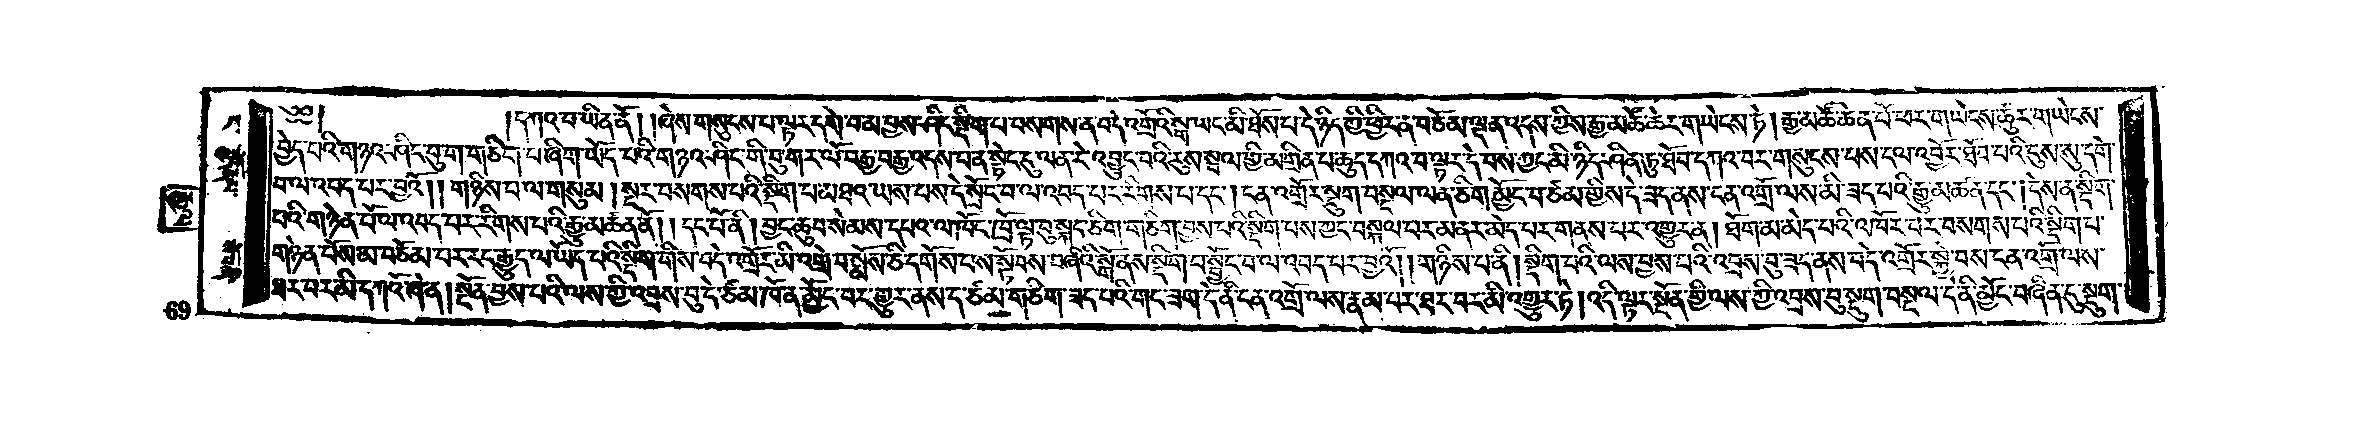༄༅། །དཀའ་བ་ཡིན་ནོ། །ཞེས་གསུངས་པ་ལྟར་དགེ་བ་མ་བྱས་ཤིང་སྡིག་པ་བསགས་ན་བདེ་འགྲོའི་སྒྲ་ཡང་མི་ཐོས་པ་དེ་ཉིད་ཀྱི་ཕྱིར་ན་བཅོམ་ལྡན་འདས་ཀྱིས་རྒྱ་མཚོ་ཆེར་གཡེངས་ཏེ། རྒྱ་མཚོ་ཆེན་པོ་ཕར་གཡེངས་ཚུར་གཡེངས་
བྱེད་པའི་གཉའ་ཤིང་བུ་ག་གཅིག་པ་ཞིག་ཡོད་པའི་གཉའ་ཤིང་གི་བུ་གར་ལོ་བརྒྱ་བརྒྱ་འདས་པ་ན་སྟེང་དུ་ལན་རེ་འབྱུང་བའི་རུས་སྦལ་གྱི་མགྲིན་པ་ཆུད་དཀའ་བ་ལྟར་དེ་བས་ཀྱང་མི་ཉིད་ཤིན་ཏུ་ཐོབ་དཀའ་བར་གསུངས་པས་དལ་འབྱོར་ཐོབ་པའི་དུས་སུ་དགེ་
བ་ལ་འབད་པར་བྱའོ། །གཉིས་པ་ལ་གསུམ། སྔར་བསགས་པའི་སྡིག་པ་མཐའ་ཡས་པས་དེ་སྲོང་བ་ལ་འབད་པར་རིགས་པས་དང་། ངན་འགྲོར་སྡུག་བསྔལ་ལན་ཅིག་མྱོང་བ་ཙམ་གྱིས་དེ་ཟད་ནས་ངན་འགྲོ་ལས་མི་ཟད་པའི་རྒྱུ་མཚན་དང་། དེས་ན་སྡིག་
པའི་གཉེན་པོ་ལ་འབད་པར་རིགས་པའི་རྒྱུ་མཚན་ནོ། །དང་པོ་ནི། བྱང་ཆུབ་སེམས་དཔའ་ལ་ཁོང་ཁྲོ་ལྟ་བུ་སྐད་ཅིག་གཅིག་བྱས་པའི་སྡིག་པས་ཀྱང་བསྐལ་པར་མནར་མེད་པར་གནས་པར་འགྱུར་ན། ཐོག་མ་མེད་པའི་འཁོར་བར་བསགས་པའི་སྡིག་པ་
གཉེན་པོས་མ་བཅོམ་པར་རང་རྒྱུད་ལ་ཡོད་པའི་སྡིག་གིས་བདེ་འགྲོར་མི་འགྲོ་བ་སྨོས་ཅི་དགོས་པས་སྟོབས་བཞིའི་སྒོ་ནས་སྡིག་པ་སྦྱོང་བ་ལ་འབད་པར་བྱའོ། །གཉིས་པ་ནི། སྡིག་པའི་ལས་བྱས་པའི་འབྲས་བུ་ཟད་ནས་བདེ་འགྲོར་སྐྱེ་བས་ངན་འགྲོ་ལས་
ཐར་པར་མི་དཀའོ་ཞེ་ན། སྔོན་བྱས་པའི་ལས་ཀྱི་འབྲས་བུ་དེ་ཙམ་ཁོ་ན་མྱོང་བར་གྱུར་ནས་ད་ཙམ་གཅིག་ཟད་པའི་གང་ཟག་དེ་ནི་ངན་འགྲོ་ལས་རྣམ་པར་ཐར་པར་མི་འགྱུར་ཏེ། འདི་ལྟར་སྔོན་གྱི་ལས་ཀྱི་འབྲས་བུ་སྡུག་བསྔལ་དེ་ནི་མྱོང་བཞིན་དུ་སྡུག་